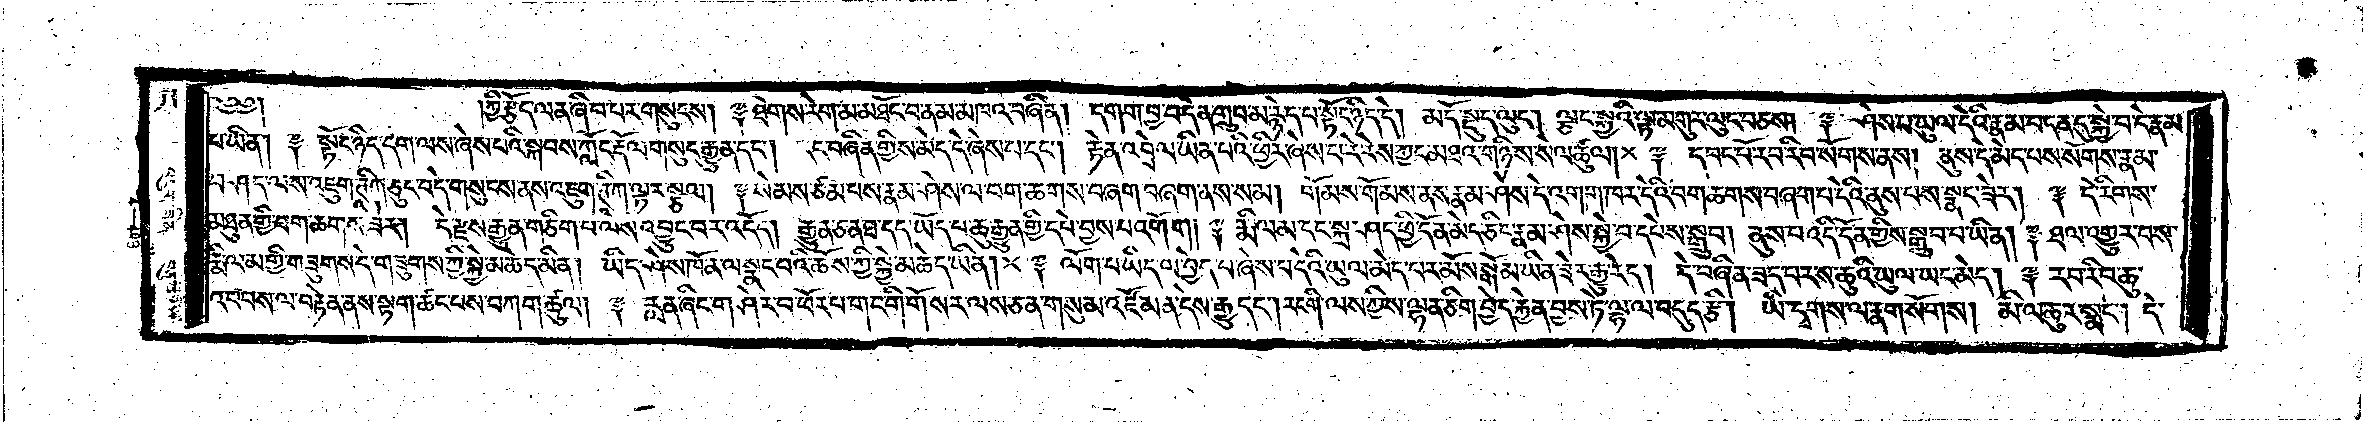༄༅། །ཀྱི་རྩོད་ལན་ཞིབ་པར་གསུངས། ༈ ཐེགས་རེག་མ་མཐོང་བ་ནམ་མཁའ་བཞིན། དགག་བྱ་བདེན་གྲུབ་མ་རྙེད་པ་སྟོང་ཉིད་དེ། མདོ་སྡུད་ལུང་། ལྕང་སྐྱའི་ལྟ་མགུར་ལུང་བཅས། ༈ ཤེས་པ་ཡུལ་དེའི་རྣམ་བདན་དུ་སྐྱེ་བ་དེ་རྣམ་
པ་ཡིན། ༈ སྟོང་ཉིད་དག་ལས་ཞེས་པའི་སྐབས་ཀློང་རྡོལ་གསུང་རྒྱུན་དང་། རང་བཞིན་གྱིས་མེད་དེ་ཞེས་པ་དང་། རྟེན་འབྲེལ་ཡིན་པའི་ཕྱིར་ཞེས་པ་རེ་རེས་ཀྱང་མཐའ་གཉིས་སེལ་ཚུལ། ྾་༈ དབང་པོ་རབ་རིབ་སོགས་ནས། ནུས་དེ་མེད་པས་སོགས་རྣམ་
བཤད་ལས་འཇུག་ཊཱིཀ་ཅུང་བདེ་གསུངས་ནས་འཇུག་ཊཱིཀ་ལྟར་སྩལ། ༈ སེམས་ཙམ་པས་རྣམ་ཤེས་ལ་བག་ཆགས་བཞག་བཞག་ནས་སམ། གོམས་གོམས་ནས་རྣམ་ཤེས་དེ་འགག་ཁར་དེའི་བག་ཆགས་བཞག་པ་དེའི་ནུས་པས་སྣང་ཟེར། ༈ དེ་རིགས་
མཐུན་གྱི་བག་ཆགས་ཟེར། དེ་རྫས་རྒྱུན་གཅིག་པ་ལས་འབྱུང་བར་འདོད། རྒྱུན་ཅན་ཐ་དད་ཡོད་པ་ཆུ་རྒྱུན་གྱི་དཔེ་བྱས་པ་འགོག། ༈ རྨི་ལམ་དང་སྐྲ་ཤད་ཕྱི་དོན་མེད་ཅིང་རྣམ་ཤེས་སྐྱེ་བ་དཔེས་སྒྲུབ། ནུས་པ་འདི་དོན་གྱིས་སྒྲུབ་པ་ཡིན། ༈ ཐལ་འགྱུར་བས་
རྨི་ལམ་གྱི་གཟུགས་དེ་གཟུགས་ཀྱི་སྐྱེ་མཆེད་མིན། ཡིད་ཤེས་ཁོ་ན་ལ་སྣང་བའི་ཆོས་ཀྱི་སྐྱེ་མཆེད་ཡིན། ྾་༈ ལོག་པ་ཡིད་ལ་བྱེད་པ་ཞེས་པ་དེའི་ཡུལ་མེད་པར་མོས་སྒོམ་ཡིན་ཟེར་རྒྱུ་རེད། དེ་བཞིན་ཟད་པར་ས་ཆུའི་ཡུལ་ཡང་མེད། ༈ རབ་རིབ་ཆུ་
འབབས་ལ་བརྟེན་ནས་སྟག་ཚང་པས་བཀག་ཚུལ། ༈ རླན་ཞིང་གཤེར་བ་ཕོར་པ་གང་གི་གོ་སར་ལས་ཅན་གསུམ་འྯོམ་ན་དེས་རྒྱུ་དང་། རང་གི་ལས་ཀྱིས་ལྷན་ཅིག་བྱེད་རྐྱེན་བྱས་ཏེ་ལྷ་ལ་བདུད་རྩི། ཡི་དྭགས་ལ་རྣག་སོགས། མི་ལ་ཆུར་སྨང་། དེ་